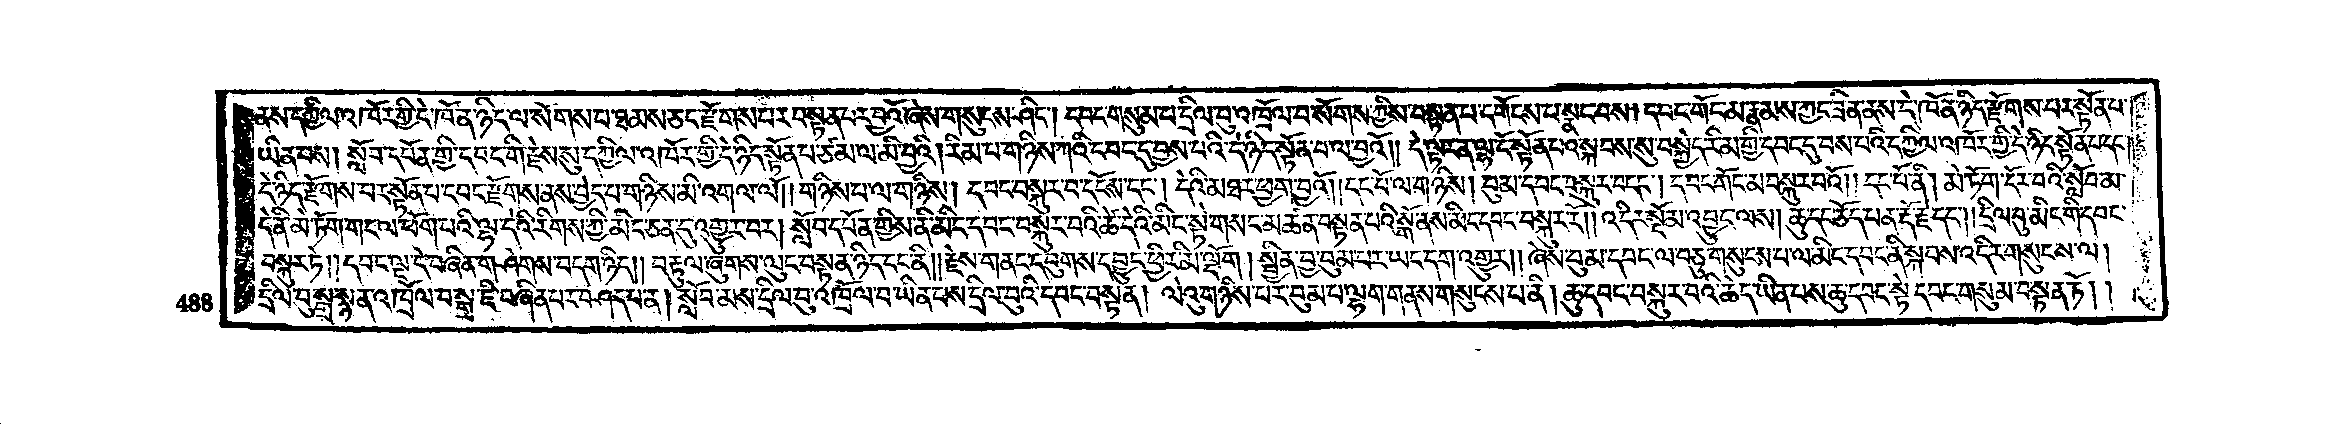ནས་དཀྱིལ་འཁོར་གྱི་དེ་ཁོ་ན་ཉིད་ལ་སོགས་པ་ཐམས་ཅད་རྫོགས་པར་བསྟན་པར་བྱའོ་ཞེས་གསུངས་ཤིང་།དབང་གསུམ་པ་དྲིལ་བུ་འཁྲོལ་བ་སོགས་ཀྱིས་བསྟན་པ་དགོངས་པ་སྣང་བས། དབང་གོང་མ་རྣམས་ཀྱང་ཟིན་ནས་དེ་ཁོ་ན་ཉིད་རྫོགས་པར་སྟོན་པ་
ཡིན་པས། སློབ་དཔོན་གྱི་དབང་གི་རྗེས་སུ་དཀྱིལ་འཁོར་གྱི་དེ་ཉིད་སྟོན་པ་ཙམ་ལ་མི་བྱའི། རིམ་པ་གཉིས་ཀའི་དབང་དུ་བྱས་པའི་དེ་ཉིད་སྟོན་པ་ལ་བྱའོ། །དེ་ལྟར་ན་ལྷ་ངོ་སྟོན་པའི་སྐབས་སུ་བསྐྱེད་རིམ་གྱི་དབང་དུ་བྱས་པའི་དཀྱིལ་འཁོར་གྱི་དེ་ཉིད་སྟོན་པ་དང་།
དེ་ཉིད་རྫོགས་པར་སྟོན་པ་དབང་རྫོགས་ནས་བྱེད་པ་གཉིས་མི་འགལ་ལོ། །གཉིས་པ་ལ་གཉིས། དབང་བསྐུར་བ་དངོས་དང་། དེའི་མཐར་ཕྱག་བྱའོ། །དང་པོ་ལ་གཉིས། བུམ་དབང་བསྐུར་བ་དང་། དབང་གོང་མ་བསྐུར་བའོ། །དང་པོ་ནི། མེ་ཏོག་དོར་པའི་སློབ་མ་
དེ་ནི་མེ་ཏོག་གང་ལ་ཕོག་པའི་ལྷ་དེའི་རིགས་ཀྱི་མིང་ཅན་དུ་འགྱུར་བར། སློབ་དཔོན་གྱིས་ནི་མིང་དབང་བསྐུར་བའི་ཚེ་དེའི་མིང་སྟེ་གསང་མཚན་བསྟན་པའི་སྒོ་ནས་མིང་དབང་བསྐུར་རོ། །འདིར་སྡོམ་འབྱུང་ལས། ཆུ་དང་ཅོད་པན་རྡོ་རྗེ་དང་། །དྲིལ་བུ་མིང་གི་དབང་
བསྐུར་ཏེ། །དབང་ལྔ་དེ་བཞིན་གཤེགས་བདག་ཉིད། །བརྟུལ་ཞུགས་ལུང་བསྟན་ཉིད་དང་ནི། །རྗེས་གནང་དབུགས་དབྱུང་ཕྱིར་མི་ལྡོག །སྦྱིན་བྱ་བུམ་པར་ཡང་དག་འགྱུར། །ཞེས་བུམ་དབང་ལ་བཅུ་གསུངས་པ་ལ་མིང་དབང་ནི་སྐབས་འདིར་གསུངས་ལ།
དྲིལ་བུ་སྒྲ་སྙན་འཁྲོལ་བ་སྒྲ་ཇི་བཞིན་པར་བཤད་པ་ན། སློབ་མས་དྲིལ་བུ་འཁྲོལ་བ་ཡིན་པས་དྲིལ་བུའི་དབང་བསྟན། ལེའུ་གཉིས་པར་བུམ་པ་ལྷག་གནས་གསུངས་པ་ནི། ཆུ་དབང་བསྐུར་བའི་ཆེད་ཡིན་པས་ཆུ་དབང་སྟེ་དབང་གསུམ་བསྟན་ཏོ། །